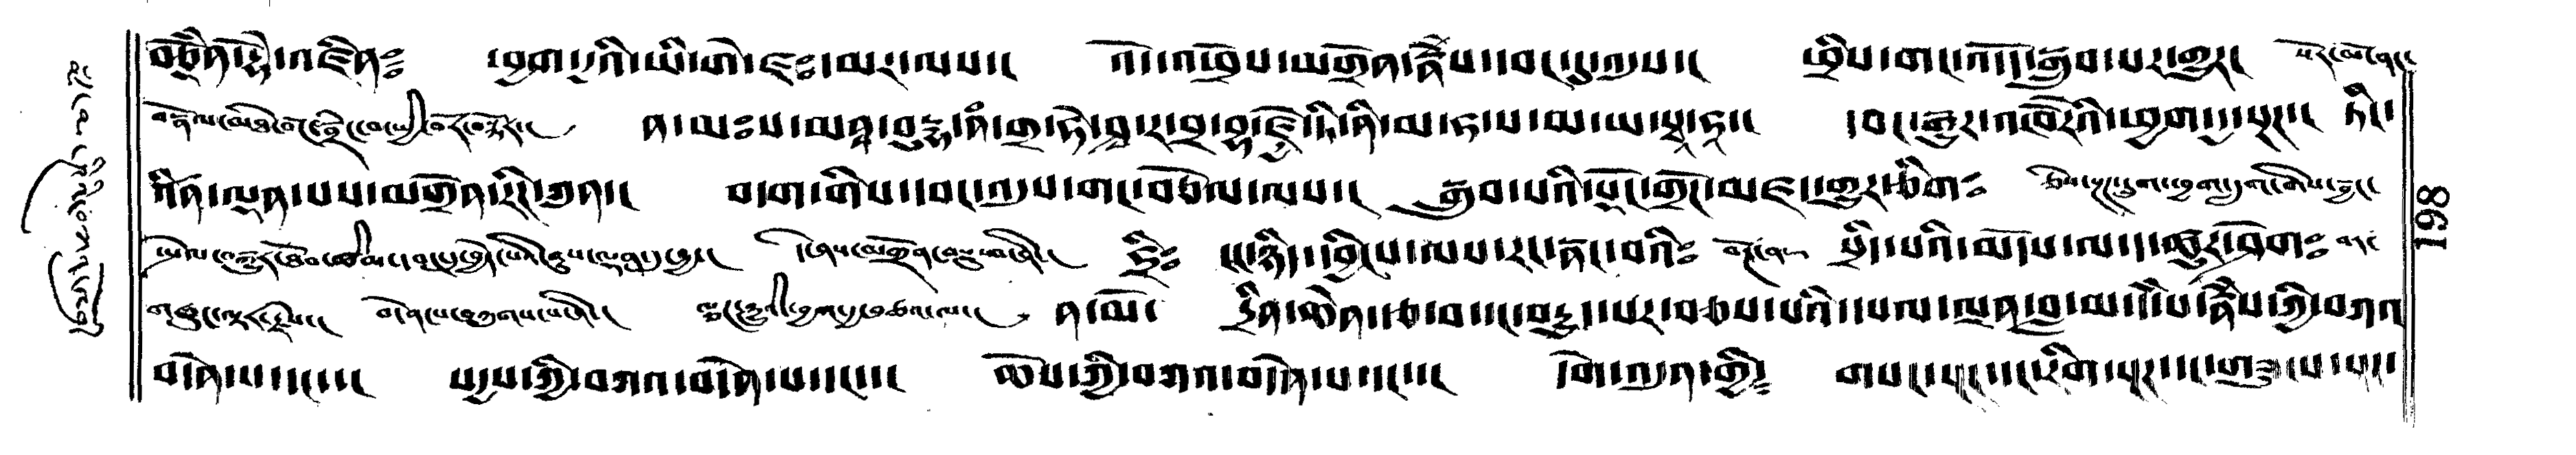བཅོམ་ལྡན་རྡོ་རྗེ་འཛིན། །ཕྱག་རྒྱའི་ཡི་གེ་ཛཿདམར་ལས། །འོད་འཕྲོས་མགྲོན་རྣམས་དབང་དུ་འདུས། །ཕྲིན་ལས་གང་འདོད་སྒྲུབ་པར་གྱུར། 
ན་མཿས་མནྟ་བྷུདྡྷ་ནཾ་གྲ་ཧེ་ཤྭ་ར་པྲ་བྷ་ཛྱོ་ཏི་ནཾ་མ་ཧ་ས་མ་ཡ་སྭ་ཧཱ། དབང་སྒྱུར་འཁོར་ལོའི་ཕྱག་རྒྱ་སྔགས། །ཏིང་
འཛིན་ལྡན་པས་མགྲོན་རིགས་ཀུན། །བདག་གིས་དབང་འདུས་གང་བཅོལ་ལས། །སྒྲུབ་པའི་སྡོང་གྲོགས་མཛད་གྱུར་ཅིགཅེས་སྔགས་དྲུག་ཕྱག་དྲུག་གིས་སྦྱང་
སྤེལ་སྒྱུར་འཐོབ་ཚིམ་དབང་དུ་བྱེད་པའི་ནུས་ལྡན་དུ་བྱ། དེ་ནས་མགྲོན་བསྡུ་བ་ནི། ཧྲཱིཿ ངང་ཉིད་དབྱིངས་ལས་རང་སྣང་བའི། སོགས་ནས། སྲིད་པའི་མདོས་ལ་ད་ཚུར་ཤོག བར་
གཞུང་ལྟར་རྗེས། བདེན་པས་འགུགས་པ་ནི། ལྕགས་ཀྱུའི་ཕྱག་རྒྱ་བཅའ་ལ། ན་མོ། དྲིན་ཆེན་རྩ་བ་དང་བརྒྱུད་པར་བཅས་པའི་དཔལ་ལྡན་བླ་མ་དམ་རྣམས་ཀྱི་བཀའ་
བདེན་པ་དང་། སངས་རྒྱས་ཀྱི་བཀའ་བདེན་པ་དང་། ཆོས་ཀྱི་བཀའ་བདེན་པ་དང་། དགེ་འདུན་གྱི༴ གསང་སྔགས་དང་རིག་སྔགས་དང་གཟུངས་སྔགས་